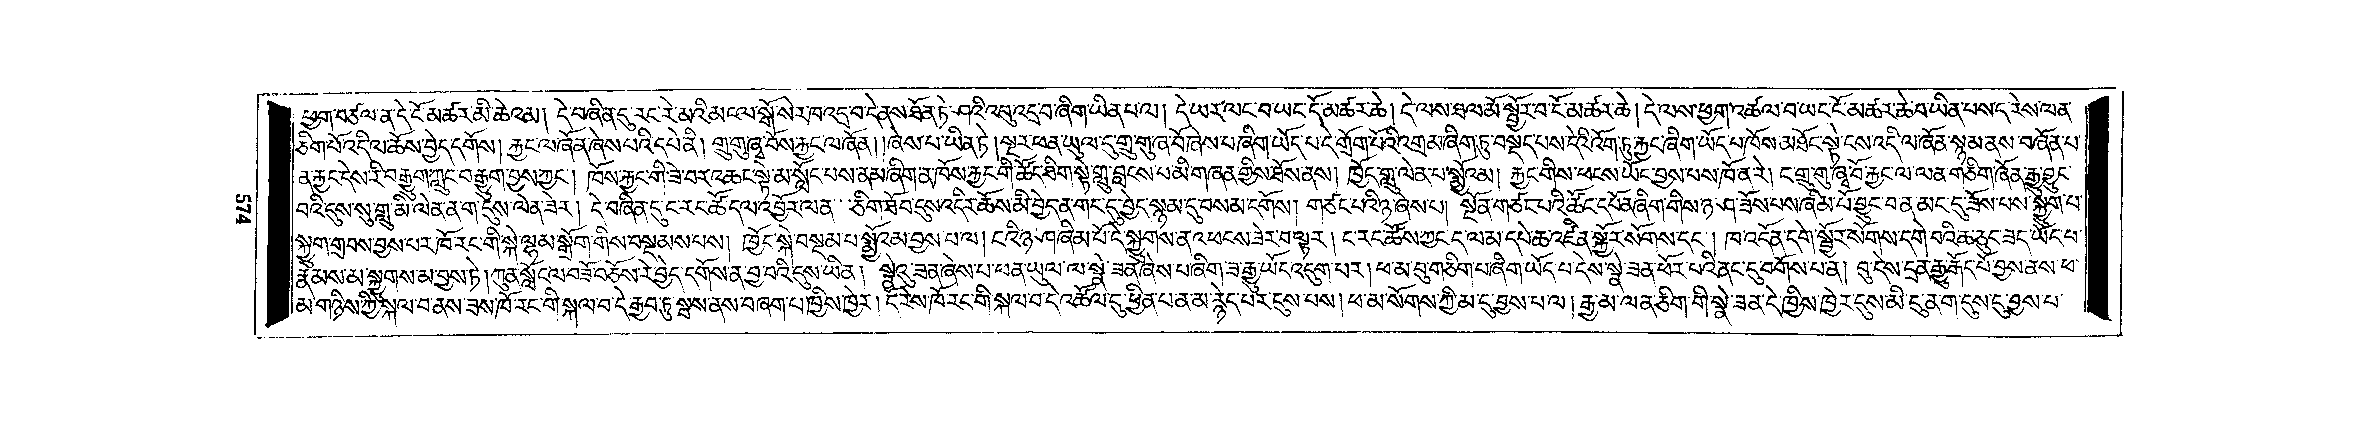ཕྱག་བཙལ་ན་དེ་ངོ་མཚར་མི་ཆེའམ། དེ་བཞིན་དུ་རང་རེ་མའི་མངལ་སྒོ་སེར་ཁ་འདྲ་བ་དེ་ནས་ཐོན་ཏེ་ཤའི་འབུ་འདྲ་བ་ཞིག་ཡིན་པ་ལ། དེ་ཡར་ལང་བ་ཡང་དོ་མཚར་ཆེ། དེ་ལས་ཐལ་མོ་སྦྱོར་བ་ངོ་མཚར་ཆེ། དེ་ལས་ཕྱག་འཚལ་བ་ཡང་ངོ་མཚར་ཆེ་བ་ཡིན་པས་ད་རེས་ལན་
ཅིག་པོ་འདི་ལ་ཆོས་བྱེད་དགོས། རྐྱང་ལ་ཞོན་ཞེས་པའི་དཔེ་ནི། གྲུ་གུ་ཞྭ་བོས་རྐྱང་ལ་ཞོན། །ཞེས་པ་ཡིན་ཏེ། སྔར་ཕན་ཡུལ་དུ་གྲུ་གུ་ཞ་བོ་ཞེས་པ་ཞིག་ཡོད་པ་དེ་གྲོག་པོའི་འགྲམ་ཞིག་ཏུ་བསྡད་པས་དེའི་འོག་ཏུ་རྐྱང་ཞིག་ཡོད་པ་ཁོས་མཐོང་སྟེ་ངས་འདི་ལ་ཞོན་སྙམ་ནས་བཞོན་པ་
ན་རྐྱང་དེས་རི་བརྒྱུག་ཀླུང་བརྒྱུག་བྱས་ཀྱང་། ཁོས་རྐྱང་གི་ཟེ་བར་འཆང་སྟེ་མ་སློད་པས་ནམ་ཞིག་ན་ཁོས་རྐྱང་གི་ཚོད་ཐིག་སྟེ་གླུ་བླངས་པ་མི་གཞན་གྱིས་ཐོས་ནས། ཁྱོད་གླུ་ལེན་པ་སྨྱོའམ། རྐྱང་གིས་ཕངས་ཡོང་བྱས་པས་ཁོ་ན་རེ། ང་གྲུ་གུ་ཞྭ་བོ་རྐྱང་ལ་ལན་གཅིག་ཞོན་རྒྱུ་བྱུང་
བའི་དུས་སུ་གླུ་མི་ལེན་ན་ག་དུས་ལེན་ཟེར། དེ་བཞིན་དུ་ང་རང་ཚོ་དལ་འབྱོར་ལན་ཅིག་ཐོབ་དུས་འདིར་ཆོས་མི་བྱེད་ན་གང་དུ་བྱེད་སྙམ་དུ་བསམ་དགོས། གཙང་པའི་ཉ་ཞེས་པ། སྔོན་གཙང་པའི་ཚོང་དཔོན་ཞིག་གིས་ཉ་ཤ་ཟོས་པས་ཞིམ་པོ་བྱུང་བ་ན་མང་དུ་ཟོས་པས་སྐྱུག་པ་
སྐྱུག་གྲབས་བྱས་པར་ཁོ་རང་གི་སྐེ་ལྷམ་སྒྲོག་གིས་བསྡམས་པས། ཁྱོད་སྐེ་བསྡམས་པ་སྨྱོའམ་བྱས་པ་ལ། ངའི་ཉ་ཤ་ཞིམ་པོ་དེ་སྐྱུགས་ན་འཕངས་ཟེར་བ་ལྟར། ང་རང་ཚོས་ཀྱང་ད་ལམ་དཔེ་ཆ་འཛིན་སྐྱོར་སོགས་དང་། ཁ་འདོན་དགེ་སྦྱོར་སོགས་དགེ་བའི་ཆ་ཅུང་ཟད་ཡོད་པ་
རྣམས་མ་སྐྱུགས་མ་བྱས་ཏེ། ཀུན་སློང་ལ་བཟོ་བཅོས་རེ་བྱེད་དགོས་ན་བྱ་བའི་དུས་ཡིན། སྣེའུ་ཟན་ཞེས་པ་ཕན་ཡུལ་ལ་སྣེ་ཟན་ཞེས་པ་ཞིག་ཟ་རྒྱུ་ཡོད་འདུག་པར། ཕ་མ་བུ་གཅིག་པ་ཞིག་ཡོད་པ་དེས་སྣེ་ཟན་ཕོར་པའི་ནང་དུ་བགོས་པ་ན། བུ་དེས་དྲན་རྒྱུ་རྒོད་པོ་བྱས་ནས་ཕ་
མ་གཉིས་ཀྱི་སྐལ་བ་ནས་ཟས་ཁོ་རང་གི་སྐལ་བ་དེ་རྒྱབ་ཏུ་སྦས་ནས་བཞག་པ་ཁྱིས་ཁྱེར། དོ་རེས་ཁོ་རང་གི་སྐལ་བ་དེ་འཚོལ་དུ་ཕྱིན་པ་ན་མ་རྙེད་པར་དུས་པས། ཕ་མ་སོགས་ཀྱི་མ་དུ་བྱས་པ་ལ། རྒྱ་མ་ལན་ཅིག་གི་སྣེ་ཟན་དེ་ཁྱིས་ཁྱེར་དུས་མི་དུ་ན་ག་དུས་དུ་བྱས་པ་